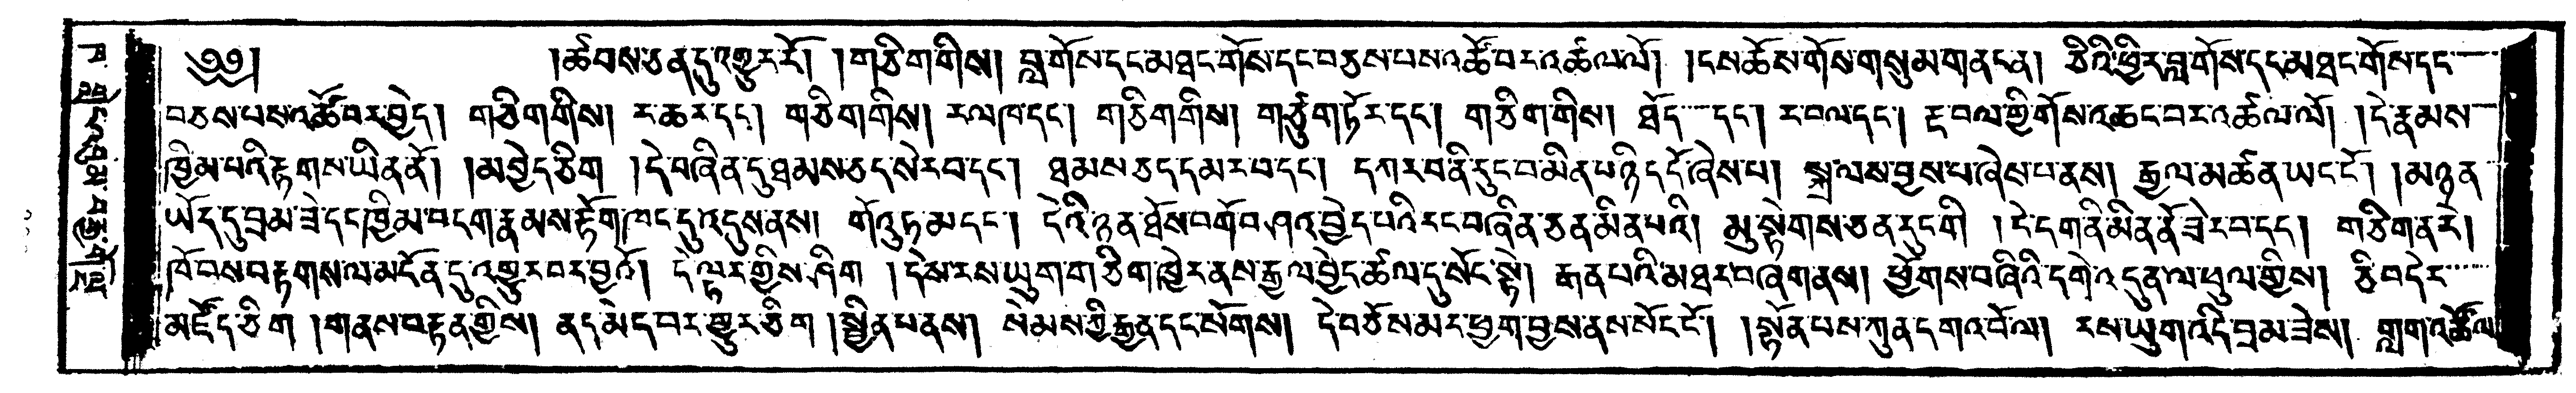༄༅། །ཚབས་ཅན་དུ་འགྱུར་རོ། །གཅིག་གིས། བླ་གོས་དང་མཐང་གོས་དང་བཅས་པས་འཚོ་བར་འཚལ་ལོ། །ངས་ཆོས་གོས་གསུམ་གནང་ན། ཅིའི་ཕྱིར་བླ་གོས་དང་མཐང་གོས་དང་
བཅས་པས་འཚོ་བར་བྱེད། གཅིག་གིས། ར་ཆར་དང་། གཅིག་གིས། རལ་ཁ་དང་། གཅིག་གིས། གཙུག་ཏོར་དང་། གཅིག་གིས། ཐོད་དང་། ར་བལ་དང་། རྔ་བལ་གྱི་གོས་འཆང་བར་འཚལ་ལོ། །དེ་རྣམས་
ཁྱིམ་པའི་རྟགས་ཡིན་ནོ། །མ་བྱེད་ཅིག །དེ་བཞིན་དུ་ཐམས་ཅད་སེར་བ་དང་། ཐམས་ཅད་དམར་བ་དང་། དཀར་བ་ནི་རུང་བ་མིན་པ་ཉིད་དོ་ཞེས་པ། སྐྲ་ལས་བྱས་པ་ཞེས་པར་ནས། རྒྱལ་མཚན་ཡང་ངོ། །མཉན་
ཡོད་དུ་བྲམ་ཟེ་དང་ཁྱིམ་བདག་རྣམས་རྟོག་ཁང་དུ་འདུས་ནས། གོའུ་ཏ་མདང་། དེའི་ཉན་ཐོས་བགོ་བཤཱ་བྱེད་པའི་རང་བཞིན་ཅན་མིན་པའི། མུ་སྟེགས་ཅན་རུང་གི །དེ་དག་ནི་མིན་ནོ་ཟེར་བ་དང་། གཅིག་ན་རེ།
ཁོ་བས་བརྟགས་ལ་མངོན་དུ་འགྱུར་བར་བྱའོ། དེ་ལྟར་གྱིས་ཤིག །དེས་རས་ཡུག་གཅིག་ཁྱེར་ནས་རྒྱལ་བྱེད་ཚལ་དུ་སོང་སྟེ། རྒན་པའི་མཐར་བཞག་ནས། ཕྱོགས་བཞིའི་དགེ་འདུན་ལ་ཕུལ་གྱིས། ཅི་བདེར་
མཛོད་ཅིག །གནས་བརྟན་གྱིས། ནད་མེད་བར་གྱུར་ཅིག །སྦྱིན་པ་ནས། སེམས་ཀྱི་རྒྱན་དང་སོགས། དེ་བཅོས་མར་ཕྱག་བྱས་ནས་སོང་ངོ། །སྟོན་པས་ཀུན་དགའ་བོ་ལ། རས་ཡུག་འདི་བྲམ་ཟེས། གླག་འཚོལ་